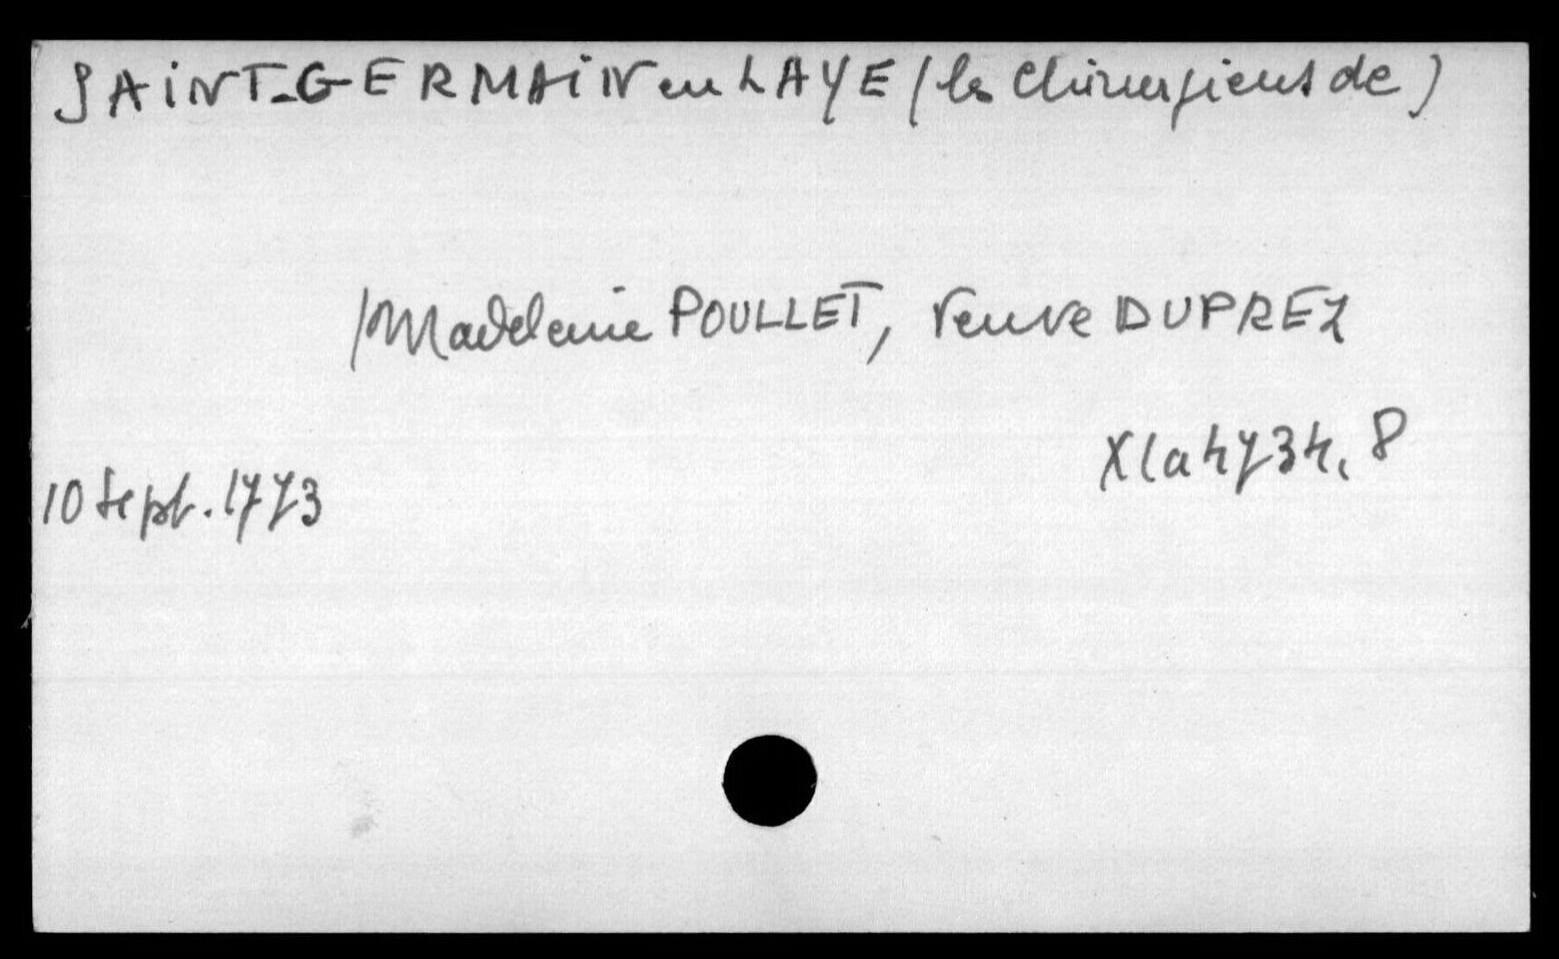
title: SAINT-GERMAIN en LAYE (les chirurgiens de)
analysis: Contre Madeleine POULLET, Veuve DUPREZ
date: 10 septembre 1773
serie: X1a
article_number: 4734
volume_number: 8
